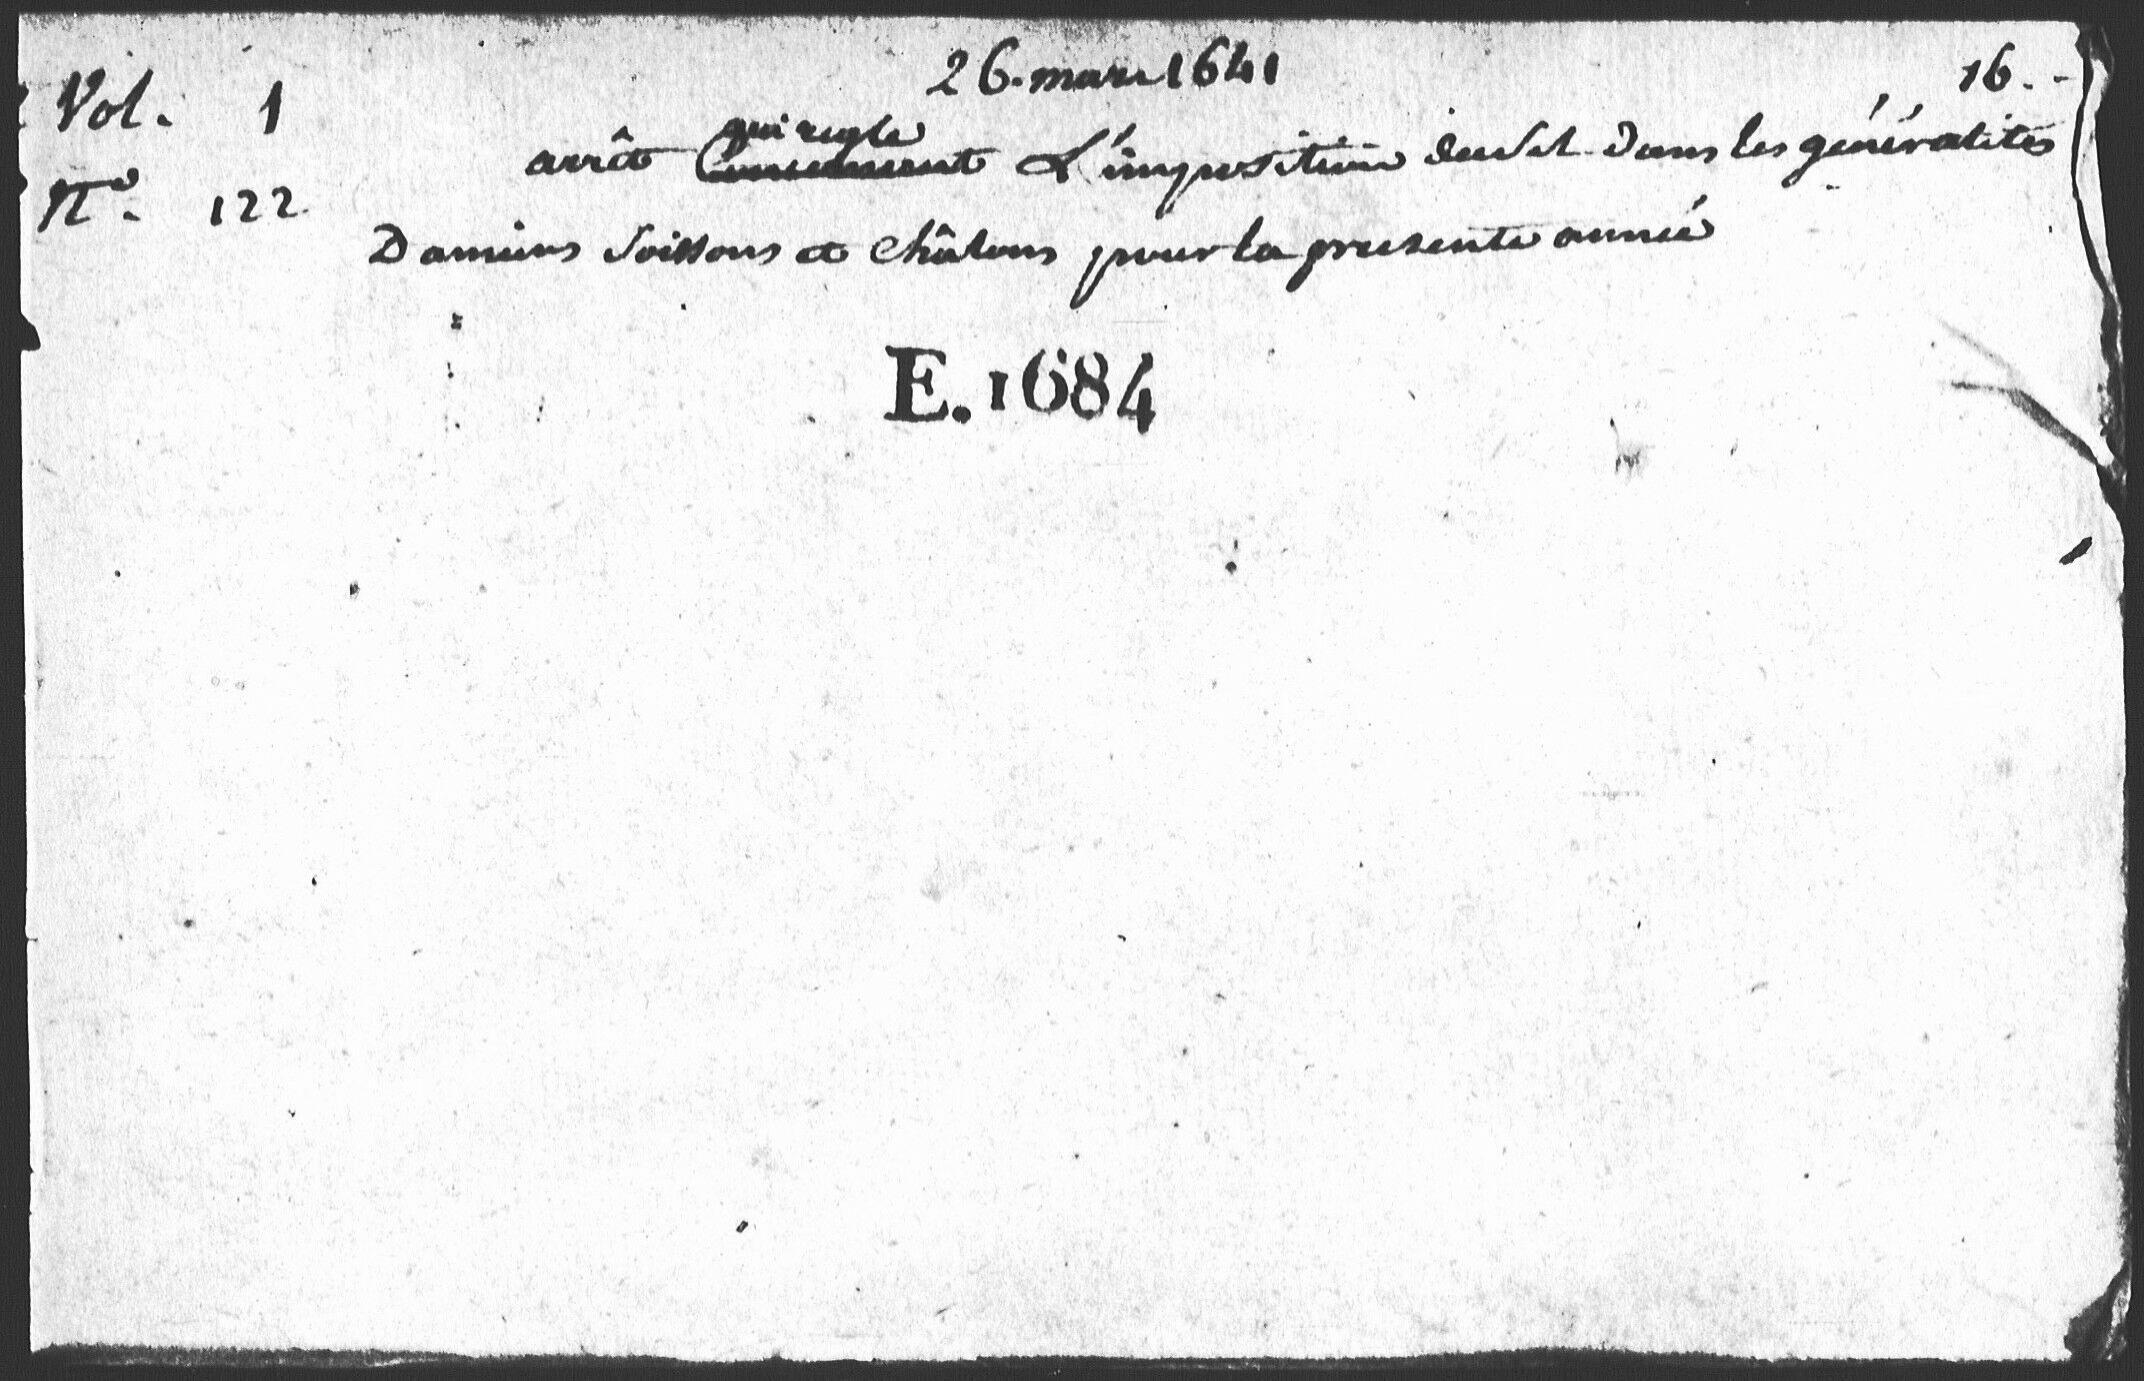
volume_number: n° 122
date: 26 mars 1641
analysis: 16
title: Arrêt qui règle l'imposition du sel dans les généralités d'Amiens Soissons et Châlons pour la présente année.
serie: E
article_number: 1684
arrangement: Volume 1
